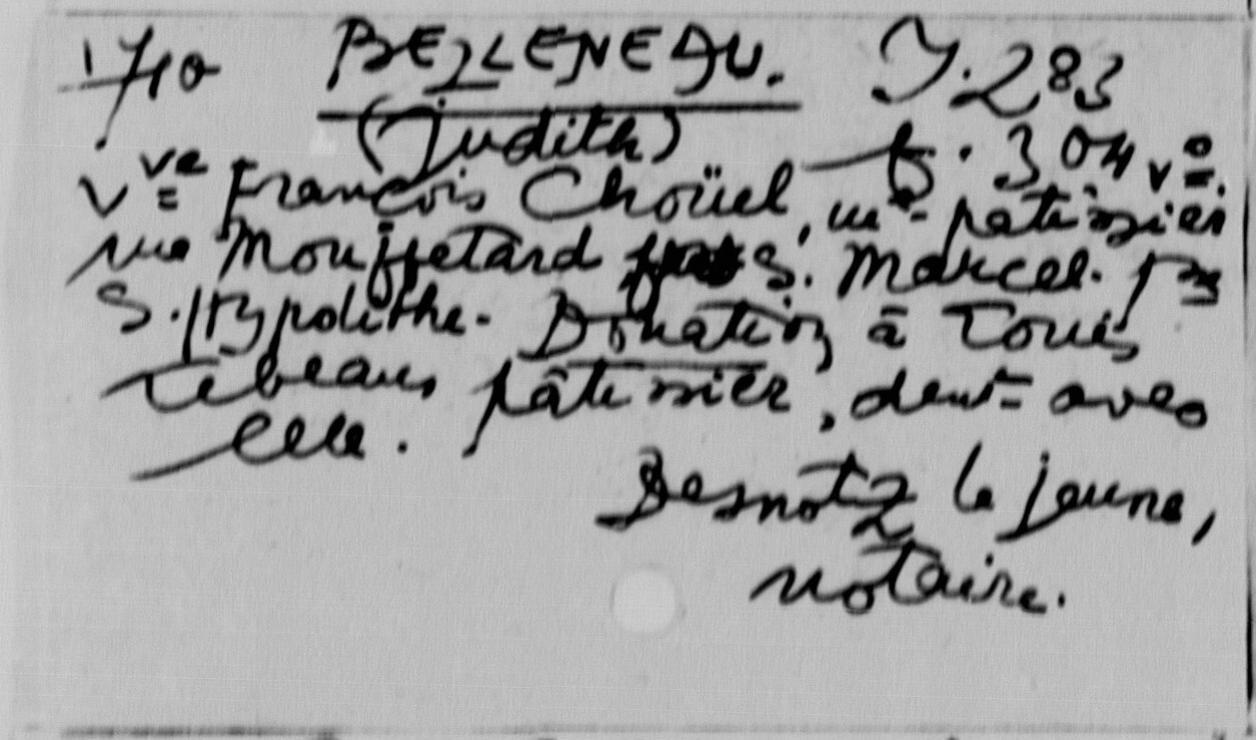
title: BELLENEAU (Judith)
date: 1710
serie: Y
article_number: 283
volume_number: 304v
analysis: veuve François Choüel, maître-pâtissier, rue Mouffetard près Saint Marcel, paroisse Saint Hypolithe Donation à Louis Lebeau, pâtissier, demeurant avec elle Desnotz le jeune, notaire
